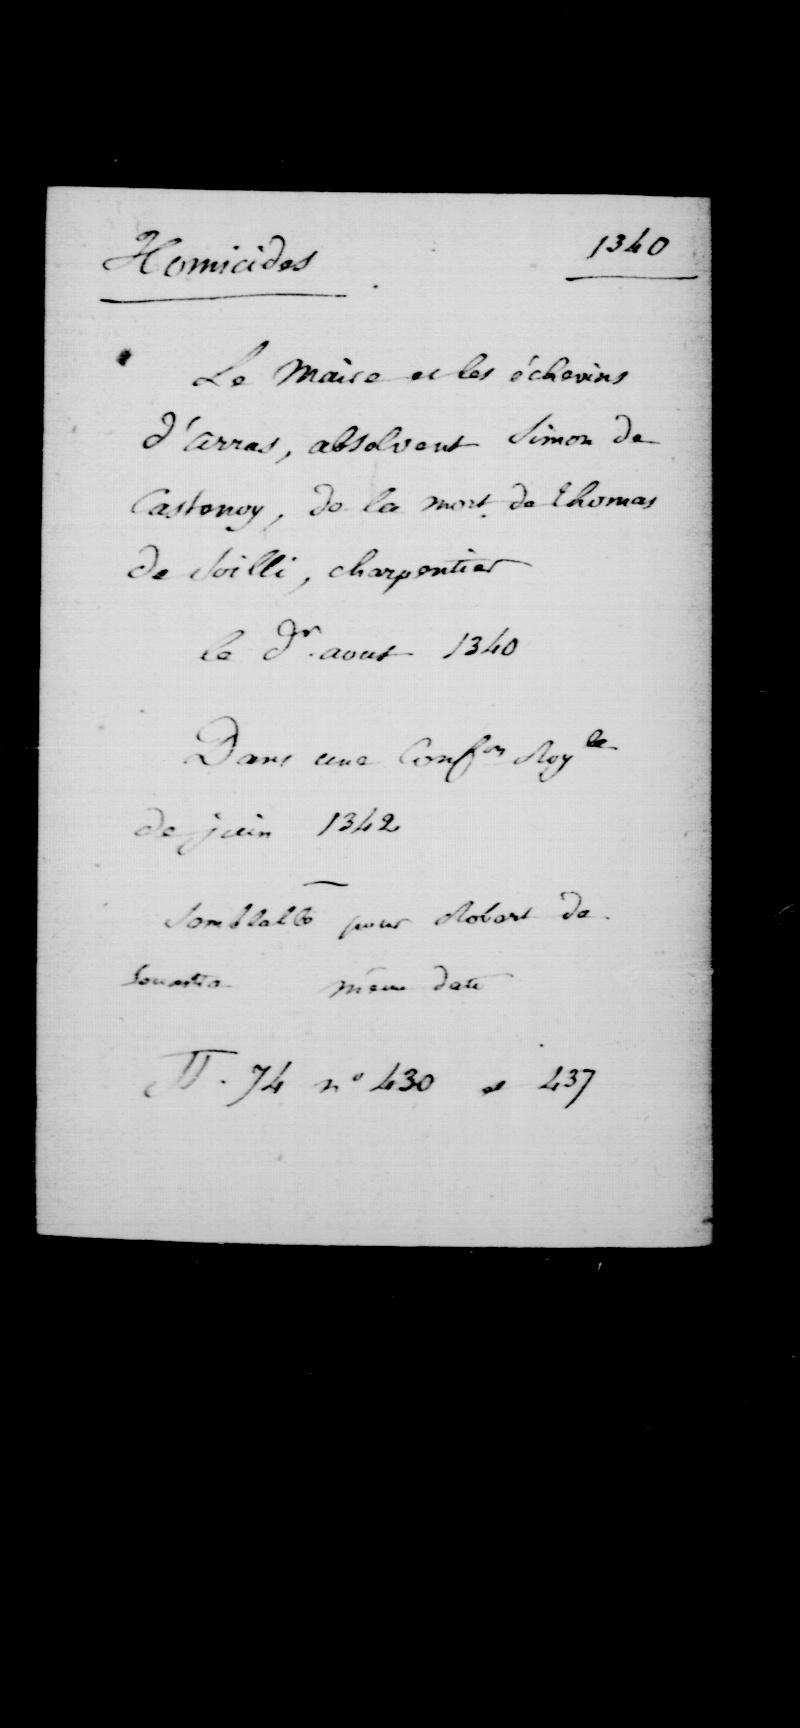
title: Homicides
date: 1340
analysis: Le maire et les échevins d’Arras, absolvent Simon de Castenoy, de la mort de Thomas de Soilli, charpentier Le 9 août 1340 Dans une confirmation royale de juin 1342 Semblable pour Robert de Souastre Même date
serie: JJ
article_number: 74
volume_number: n° 430 et 437
